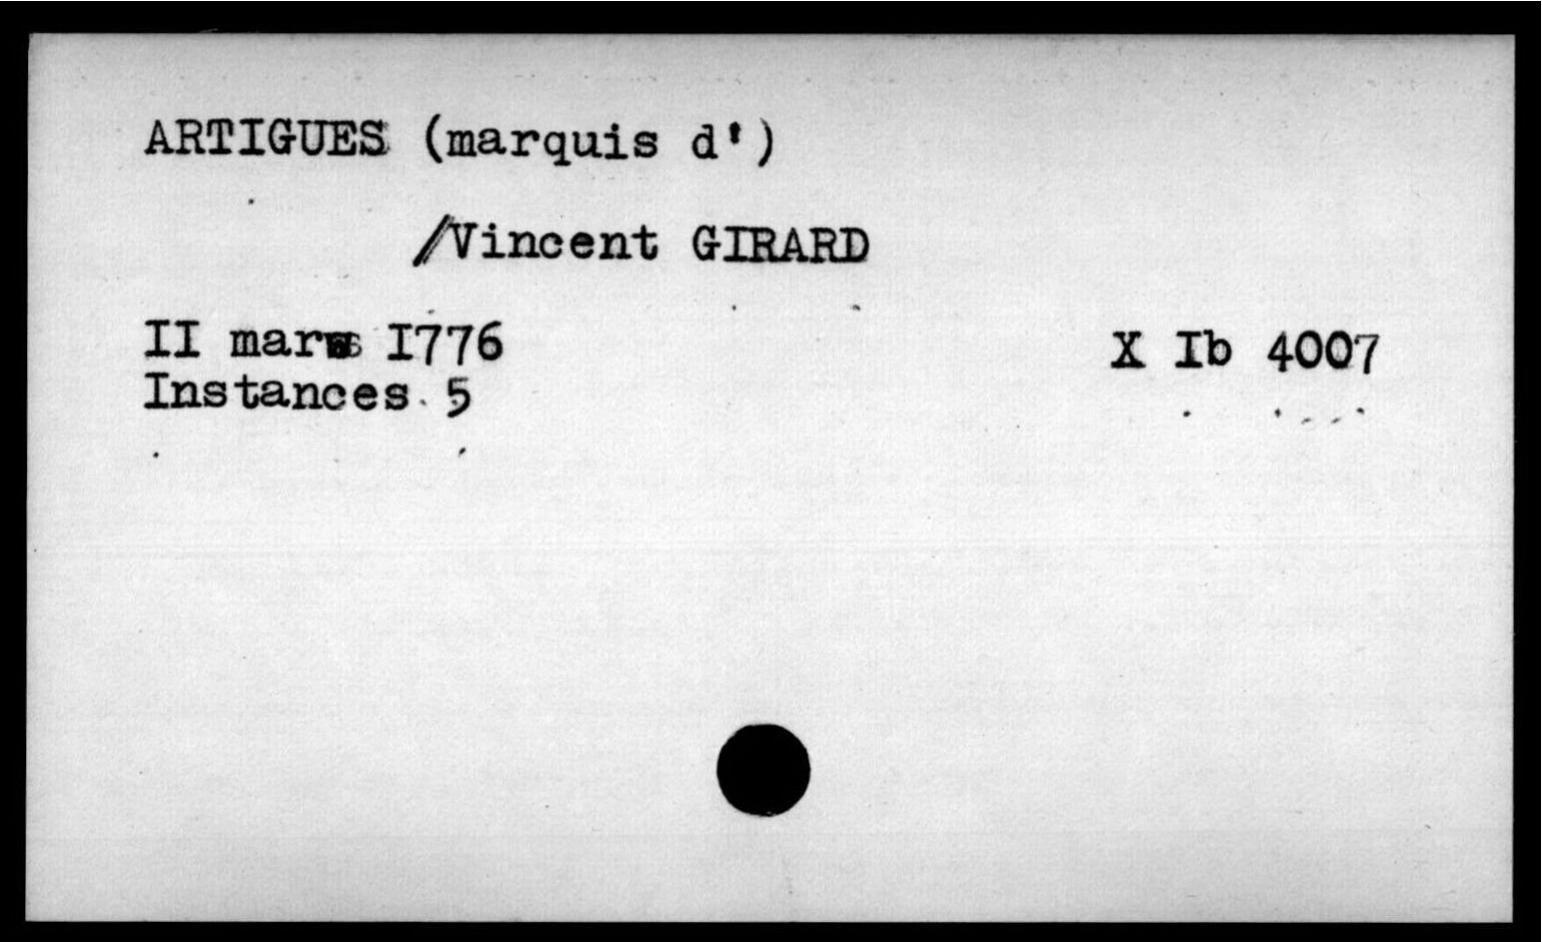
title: ARTIGUES (marquis d')
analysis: Contre Vincent GIRARD
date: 11 mars 1776
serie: X1b
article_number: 4007
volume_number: Instances 5
